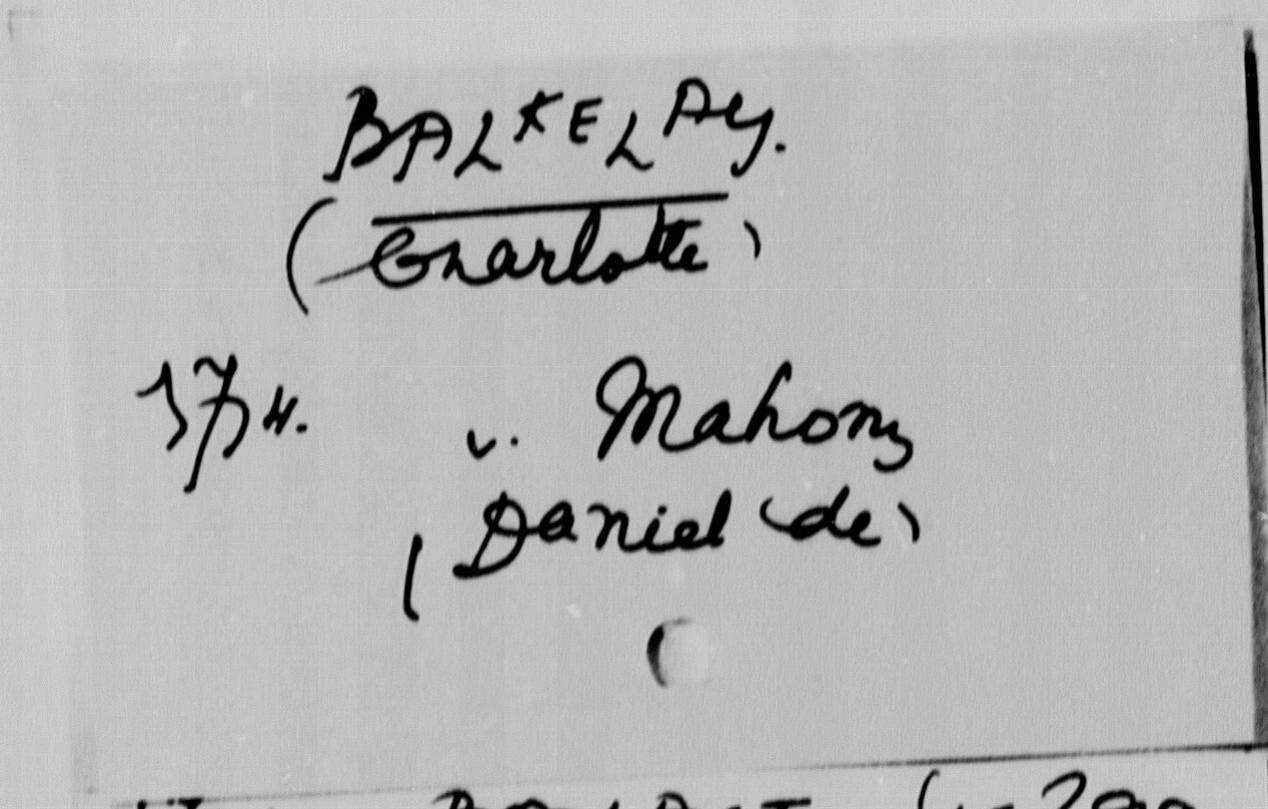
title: BALKELAY (Charlotte)
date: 1714
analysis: Voir Mahony (Daniel de)
